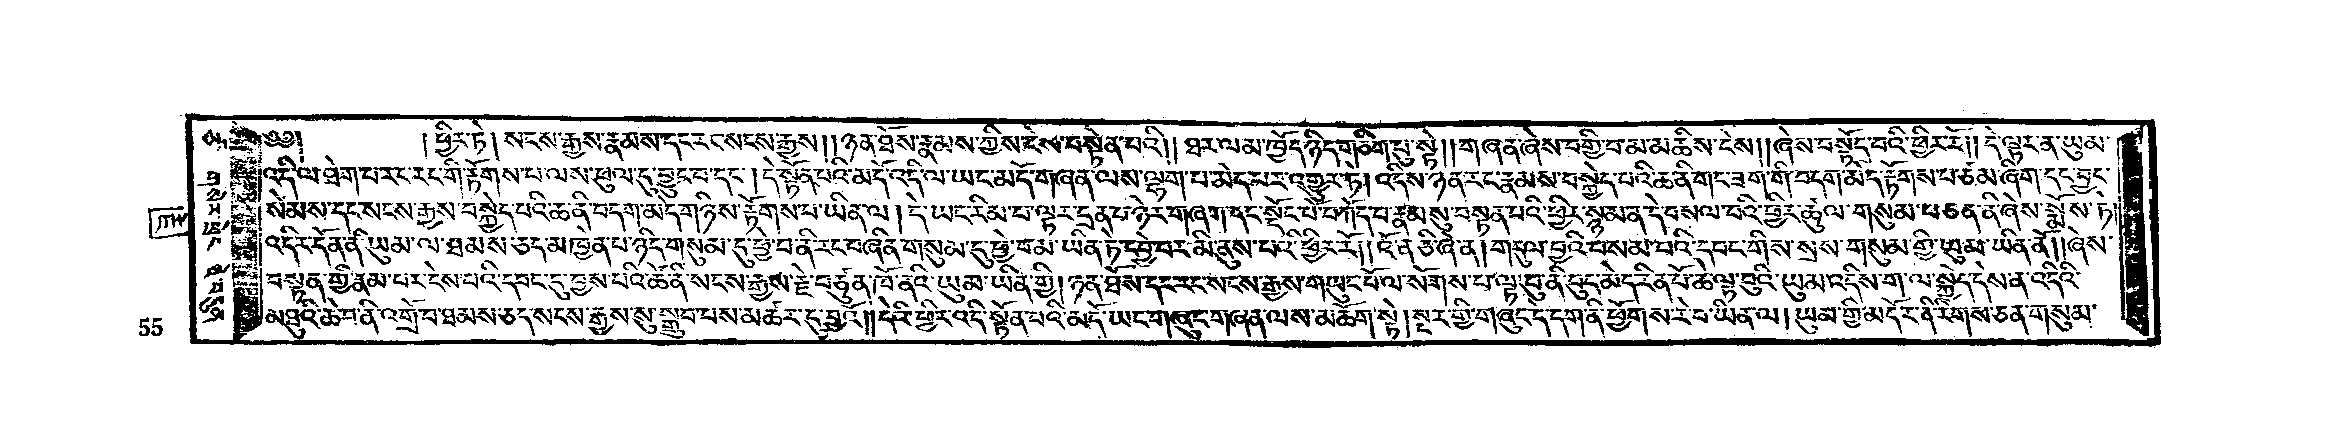༄༅། །ཕྱིར་ཏེ། སངས་རྒྱས་རྣམས་དང་རང་སངས་རྒྱས། །ཉན་ཐོས་རྣམས་ཀྱིས་ངེས་བསྟེན་པའི། །ཐར་ལམ་ཁྱོད་ཉིད་གཅིག་པུ་སྟེ། །གཞན་ཞེས་བགྱི་བ་མ་མཆིས་ངེས། །ཞེས་བསྟོད་པའི་ཕྱིར་རོ། །དེ་ལྟར་ན་ཡུམ་
འདི་ལ་ཐེག་པ་རང་རང་གི་རྟོགས་པ་ལས་ཕུལ་དུ་བྱུང་བ་དང་། དེ་སྟོན་པའི་མདོ་འདི་ལ་ཡང་མདོ་གཞན་ལས་ལྷག་པ་མེད་པར་འགྱུར་ཏེ། འདིས་ཉན་རང་རྣམས་བསྐྱེད་པའི་ཆ་ནི་གང་ཟག་གི་བདག་མེད་རྟོགས་པ་ཙམ་ཞིག་དང་བྱང་
སེམས་དང་སངས་རྒྱས་བསྐྱེད་པའི་ཆ་ནི་བདག་མེད་གཉིས་རྟོགས་པ་ཡིན་ལ། དེ་ཡང་རིམ་པ་ལྟར་དྲན་པ་ཉེར་གཞག་དང་སྡོང་པོ་བཀོད་པ་རྣམས་སུ་བསྟན་པའི་ཕྱིར་སྙམ་ན་དེ་བསལ་བའི་ཕྱིར་ཚུལ་གསུམ་པ་ཅན་ནི་ཞེས་སྨོས་ཏེ།
འདིར་དོན་ནི་ཡུམ་ལ་ཐམས་ཅད་མཁྱེན་པ་ཉིད་གསུམ་དུ་ཕྱེ་བ་ནི་རང་བཞིན་གསུམ་དུ་ཕྱེ་བ་མ་ཡིན་ཏེ་དབྱེ་བར་མི་ནུས་པའི་ཕྱིར་རོ། །འོ་ན་ཅི་ཞེ་ན། གདུལ་བྱའི་བསམ་པའི་དབང་གིས་སྲས་གསུམ་གྱི་ཡུམ་ཡིན་ནོ། །ཞེས་
བསྟན་གྱི་རྣམ་པར་ངེས་པའི་དབང་དུ་བྱས་པའི་ཚེ་ནི་སངས་རྒྱས་རྗེ་བཙུན་ཁོ་ནའི་ཡུམ་ཡིན་གྱི། ཉན་ཐོས་དང་རང་སངས་རྒྱས་གཡུང་པོ་ལ་སོགས་པ་ལྟ་བུ་ནི་བུད་མེད་རིན་པོ་ཆེ་ལྟ་བུའི་ཡུམ་འདིས་ག་ལ་སྐྱེད་དེས་ན་འདིའི་
མཐུའི་ཆེ་བ་ནི་འགྲོ་བ་ཐམས་ཅད་སངས་རྒྱས་སུ་སྒྲུབ་པས་མཚར་དུ་བྱའོ། །དེའི་ཕྱིར་འདི་སྟོན་པའི་མདོ་ཡང་གཞུང་གཞན་ལས་མཆོག་སྟེ། སྔར་གྱི་གཞུང་དེ་དག་ནི་ཕྱོགས་རེ་བ་ཡིན་ལ། ཡུམ་གྱི་མདོར་ནི་རིགས་ཅན་གསུམ་